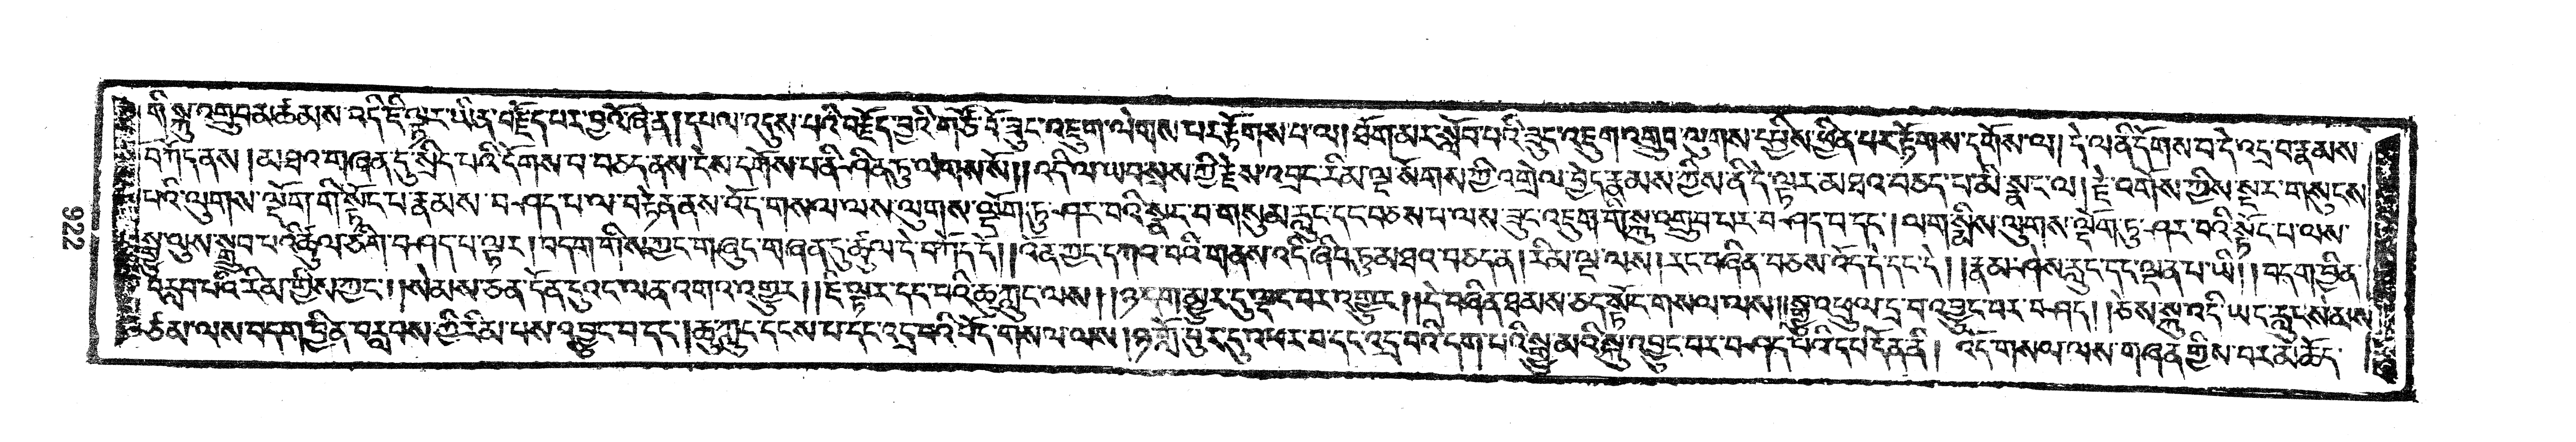གི་སྐུ་འགྲུབ་མཚམས་འདི་ཇི་ལྟར་ཡིན་བརྗོད་པར་བྱའོ་ཞེ་ན། དཔལ་འདུས་པའི་བརྗོད་བྱའི་གཙོ་བོ་ཟུང་འཇུག་ལེགས་པར་རྟོགས་པ་ལ། ཐོག་མར་སློབ་པའི་ཟུང་འཇུག་འགྲུབ་ལུགས་དཔྱིས་ཕྱིན་པར་རྟོགས་དགོས་ལ། དེ་ལ་ནི་དོགས་པ་དེ་འདྲ་བ་རྣམས་
བཀོད་ནས། མཐའ་གཞན་དུ་སྲིད་པའི་དོགས་པ་བཅད་ནས་དེས་དགོས་པ་ནི་ཤིན་ཏུ་ལེགས་སོ། །འདི་ལ་ཡབ་སྲས་ཀྱི་རྗེས་འབྲང་རིམ་ལྔ་སོགས་ཀྱི་འགྲེལ་བྱེད་རྣམས་ཀྱིས་ནི་དེ་ལྟར་མཐའ་བཅད་པ་མི་སྣང་ལ། རྗེ་འགོས་ཀྱིས་སྔར་གསུངས་
པའི་ལུགས་ལྡོག་གི་སྟོང་པ་རྣམས་བཤད་པ་ལ་བརྟེན་ནས་འོད་གསལ་ལས་ལུགས་ལྡོག་ཏུ་ཤར་བའི་སྣང་བ་གསུམ་རླུང་དང་བཅས་པ་ལས་ཟུང་འཇུག་གི་སྐུ་འགྲུབ་པར་བཤད་པ་དང་། ལག་སྨིས་ལུགས་ལྡོག་ཏུ་ཤར་བའི་སྟོང་པ་ལས་
སྒྱུ་ལུས་སྒྲུབ་པའི་ཚུལ་ཅིག་བཤད་པ་ལྟར། བདག་གིས་ཀྱང་གཞུང་གཞན་དུ་ཚུལ་དེ་བཀོད་དོ། །འོན་ཀྱང་དཀའ་བའི་གནས་འདི་ཞིབ་ཏུ་མཐའ་བཅད་ན། རིམ་ལྔ་ལས། རང་བཞིན་བཅས་འོད་དེ་དང་དེ། །རྣམ་ཤེས་རླུང་དང་ལྡན་པ་ཡི། །བདག་བྱིན་
བརླབ་པའི་རིམ་གྱིས་ཀྱང་། །སེམས་ཅན་དོན་དུའང་ལན་འགའ་འགྱུར། །ཇི་ལྟར་དང་བའི་ཆུ་ཀླུང་ལས། །ཉ་དག་མྱུར་དུ་ལྡང་བར་འགྱུར། །དེ་བཞིན་ཐམས་ཅད་སྟོང་གསལ་ལས། །སྒྱུ་འཕྲུལ་དྲ་བ་འབྱུང་བར་བཤད། །ཅེས་སྐུ་འདི་ཡང་རླུང་སེམས་
ཙམ་ལས་བདག་བྱིན་བརླབས་ཀྱི་རིམ་པས་འབྱུང་བ་དང་། ཆུ་ཀླུང་དངས་པ་དང་འདྲ་བའི་འོད་གསལ་ལས། ཉ་གློ་བུར་དུ་འཕར་བ་དང་འདྲ་བའི་དག་པའི་སྒྱུ་མའི་སྐུ་འབྱུང་བར་བཤད་པའི་དཔེ་དོན་ནི། འོད་གསལ་ལས་གཞན་གྱིས་བར་མཆོད་